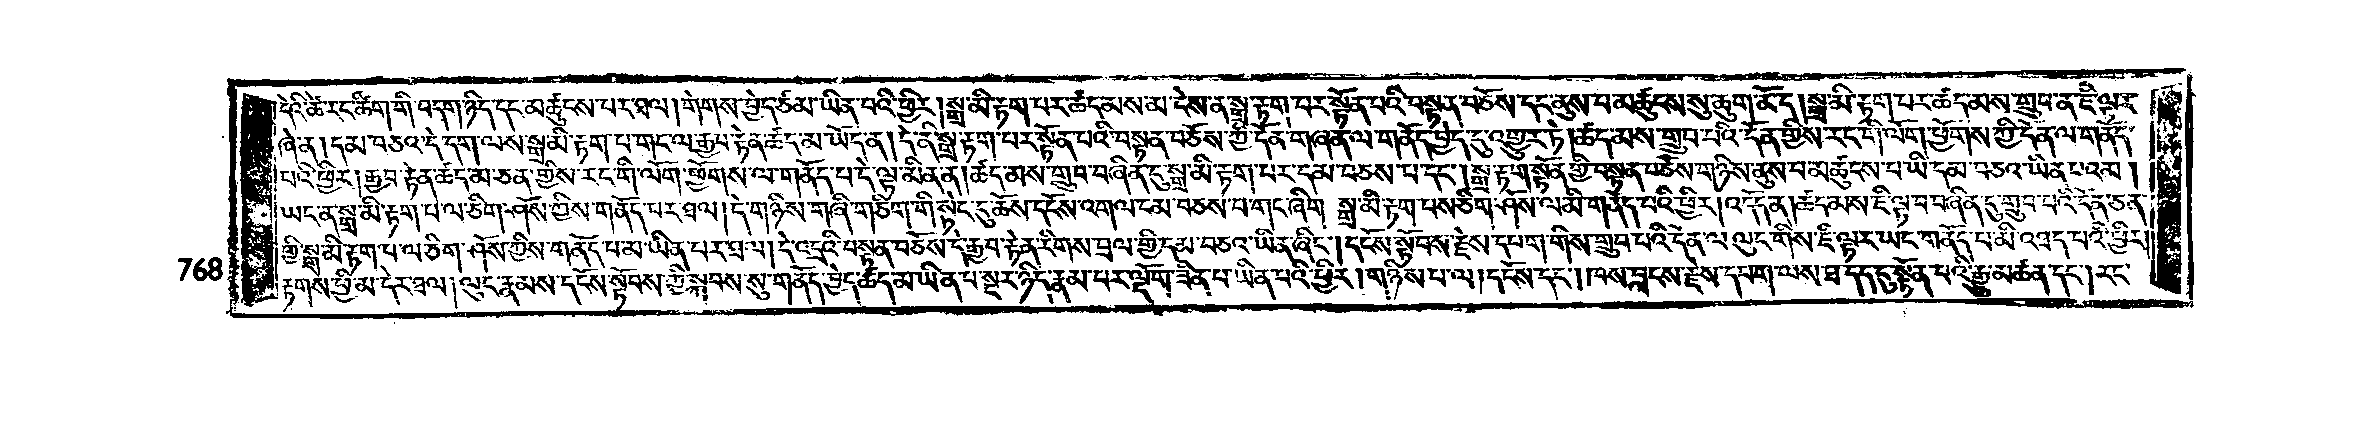དེའི་ཚེ་རང་ཚིག་གི་བདག་ཉིད་དང་མཚུངས་པར་ཐལ། གེགས་བྱེད་ཙམ་ཡིན་པའི་ཕྱིར། སྒྲ་མི་རྟག་པར་ཚད་མས་མ་ངེས་ན་སྒྲ་རྟག་པར་སྟོན་པའི་བསྟན་བཅོས་དང་ནུས་པ་མཚུངས་སུ་ཆུག་མོད། སྒྲ་མི་རྟག་པར་ཚད་མས་གྲུབ་ན་ཇི་ལྟར་
ཞེ་ན། དམ་བཅའ་དེ་དག་ལས་སྒྲ་མི་རྟག་པ་གང་ལ་རྒྱབ་རྟེན་ཚད་མ་ཡོད་ན། དེ་ནི་སྒྲ་རྟག་པར་སྟོན་པའི་བསྟན་བཅོས་ཀྱི་དོན་གཞན་ལ་གནོད་བྱེད་དུ་འགྱུར་ཏེ། ཚད་མས་གྲུབ་པའི་དོན་གྱིས་རང་གི་ལོག་ཕྱོགས་ཀྱི་དོན་ལ་གནོད་
པའི་ཕྱིར། རྒྱབ་རྟེན་ཚད་མ་ཅན་གྱིས་རང་གི་ལོག་ཕྱོགས་ལ་གནོད་པ་དེ་ལྟ་མིན་ན། ཚད་མས་གྲུབ་བཞིན་དུ་སྒྲ་མི་རྟག་པར་དམ་བཅས་པ་དང་། སྒྲ་རྟག་སྟོན་གྱི་བསྟན་བཅོས་གཉིས་ནུས་པ་མཚུངས་པ་ཡི་དམ་བཅའ་ཡིན་པའམ།
ཡང་ན་སྒྲ་མི་རྟག་པ་ལ་ཅིག་ཤོས་ཀྱིས་གནོད་པར་ཐལ། དེ་གཉིས་གཞི་གཅིག་གི་སྟེང་དུ་ཆོས་དངོས་འགལ་དམ་བཅས་པ་གང་ཞིག །སྒྲ་མི་རྟག་པས་ཅིག་ཤོས་ལ་མི་གནོད་པའི་ཕྱིར། འདོད་ན། ཚད་མས་ཇི་ལྟ་བ་བཞིན་དུ་གྲུབ་པའི་དོན་ཅན་
གྱི་སྒྲ་མི་རྟག་པ་ལ་ཅིག་ཤོས་ཀྱིས་གནོད་པ་མ་ཡིན་པར་ཐལ། དེ་འདྲའི་བསྟན་བཅོས་དེ་རྒྱབ་རྟེན་རིགས་བྲལ་གྱི་དམ་བཅའ་ཡིན་ཞིང་། དངོས་སྟོབས་རྗེས་དཔག་གིས་གྲུབ་པའི་དོན་ལ་ལུང་གིས་ཇི་ལྟར་ཡང་གནོད་པ་མི་འཐད་པའི་ཕྱིར།
རྟགས་ཕྱི་མ་དེར་ཐལ། ལུང་རྣམས་དངོས་སྟོབས་ཀྱི་སྐབས་སུ་གནོད་བྱེད་ཚད་མ་ཡིན་པ་སྔར་ཉིད་རྣམ་པར་ལྡོག་ཟིན་པ་ཡིན་པའི་ཕྱིར། གཉིས་པ་ལ། དངོས་དང་། ཁས་བླངས་རྗེས་དཔག་ལས་ཐ་དད་དུ་སྟོན་པའི་རྒྱུ་མཚན་དང་། རང་